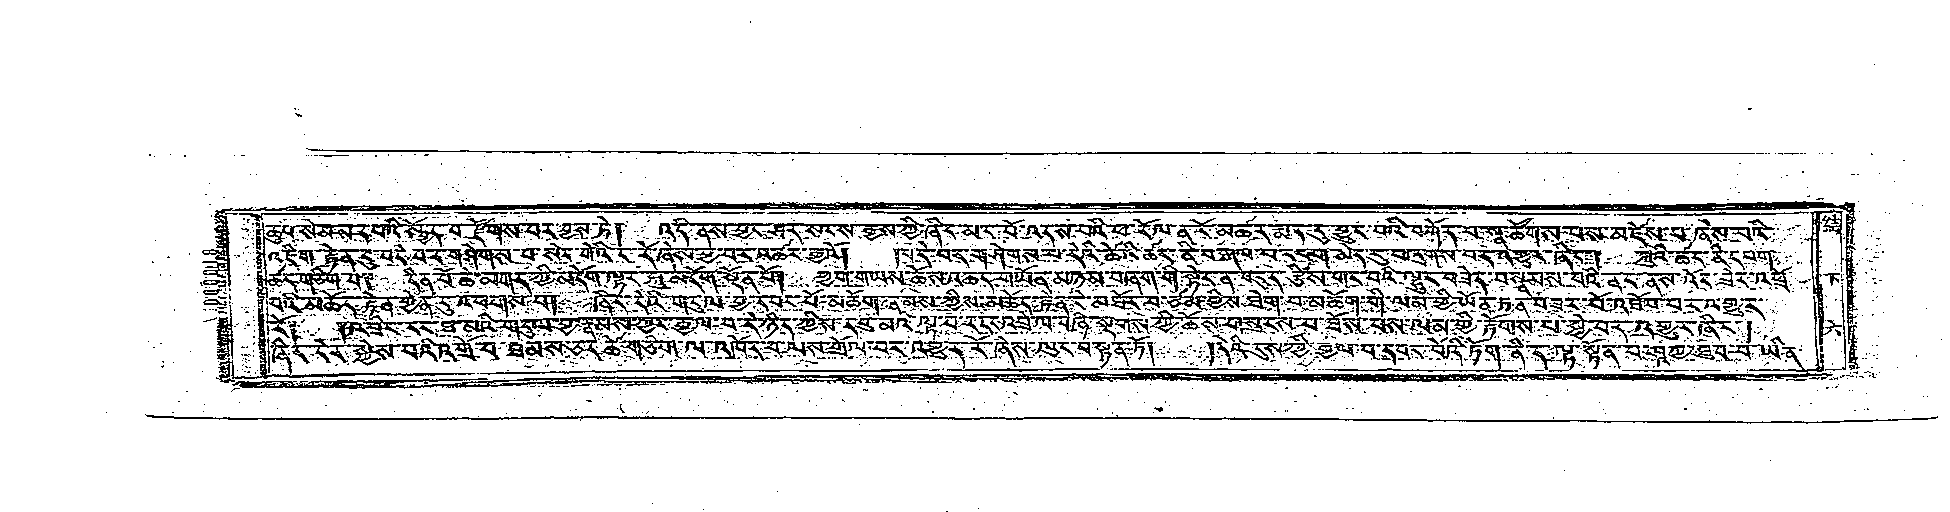ཆུབ་སེམས་དཔའི་སྤྱོད་པ་རྫོགས་པར་བྱས་ཏེ། འདི་ནས་བྱང་ཤར་སངས་རྒྱས་ཀྱི་ཞིང་མང་པོ་འདས་པའི་ཕ་རོལ་ན་ངོ་མཚར་རྨད་དུ་བྱུང་བའི་བཀོད་པ་སྣ་ཚོགས་པས་མཛེས་པ་ཞེས་པའི་
འཇིག་རྟེན་དུ་བདེ་བར་གཤེགས་པ་སེང་གེའི་ང་རོ་ཞེས་བྱ་བར་འཚང་རྒྱའོ། །བདེ་བར་གཤེགས་པ་དེའི་ཚེའི་ཚད་ནི་བསྐལ་པ་དཔག་མེད་དུ་བཞུགས་པར་འགྱུར་ཞིང་། སྐུའི་ཚད་ནི་དཔག་
ཚད་གཅིག་པ༑ རིན་པོ་ཆེ་མགད་ཀྱི་མདོག་ལྟར་སྐུ་མདོག་སྔོན་པོ། ཕྱག་གཡས་ཆོས་འཆད་གཡོན་མཉམ་བཞག་གི་སྟེང་ན་བདུད་རྩིས་གང་བའི་ལྷུང་བཟེད་བསྣམས་པའི་ནང་ནས་འོད་ཟེར་འཕྲོ་
བའི་མཆོད་རྟེན་གྱེན་དུ་འཕགས་པ། ཞིང་དེའི་གདུལ་བྱ་དབང་པོ་མཆོག་རྣམས་ཀྱིས་མཆོད་རྟེན་དེ་མཐོང་བ་ཙམ་གྱིས་ཐེག་པ་མཆོག་གི་ལམ་གྱི་ཡོན་ཏན་བཟང་པོ་འཐོབ་པར་འགྱུར་
རོ༑ །འབྲིང་དང་ཐ་མའི་གདུལ་བྱ་རྣམས་ཀྱང་རྒྱལ་བ་དེ་ཉིད་ཀྱིས་དབུ་མའི་ལྟ་བ་དང་འབྲེལ་བཞི་སྔགས་ཀྱི་ཆོས་གསུངས་པ་ཐོས་པས་ལམ་གྱི་རྟོགས་པ་སྐྱེ་བར་འགྱུར་ཞིང་།
ཞིང་ངེར་སྐྱེས་པའི་འགྲོ་བ་ཐམས་ཅད་ཚེ་གཅིག་ལ་འཁོར་བ་ལས་གྲོལ་བར་འགྱུར་རོ་ཞེས་ལུང་བསྟན་ཏོ། །དེའི་དུས་ཀྱི་རྒྱལ་བ་དབང་པོའི་ཏོག་ནི་ད་ལྟ་སྟོན་པ་ཤཱཀྱ་ཐུབ་པ་ཡིན་